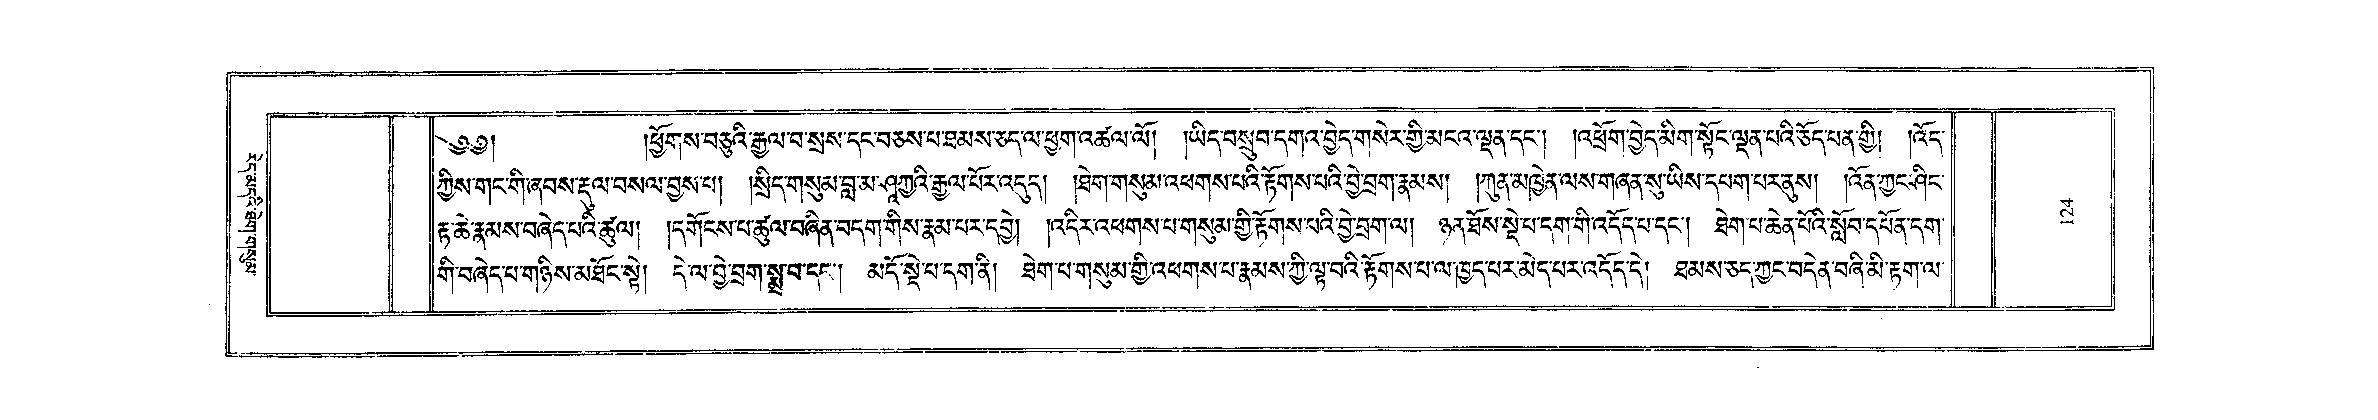༄༅། །ཕྱོགས་བཅུའི་རྒྱལ་བ་སྲས་དང་བཅས་པ་ཐམས་ཅད་ལ་ཕྱག་འཚལ་ལོ། །ཡིད་བསྲུབ་དགའ་བྱེད་གསེར་གྱི་མངའ་ལྡན་དང་། །འཕྲོག་བྱེད་མིག་སྟོང་ལྡན་པའི་ཅོད་པན་གྱི། །འོད་
ཀྱིས་གང་གི་ཞབས་རྡུལ་བསལ་བྱས་པ། །སྲིད་གསུམ་བླ་མ་ཤཱཀྱའི་རྒྱལ་པོར་འདུད། །ཐེག་གསུམ་འཕགས་པའི་རྟོགས་པའི་བྱེ་བྲག་རྣམས། །ཀུན་མཁྱེན་ལས་གཞན་སུ་ཡིས་དཔག་པར་ནུས། །འོན་ཀྱང་ཤིང་
རྟ་ཆེ་རྣམས་བཞེད་པའི་ཚུལ། །དགོངས་པ་ཚུལ་བཞིན་བདག་གིས་རྣམ་པར་དབྱེ། །འདིར་འཕགས་པ་གསུམ་གྱི་རྟོགས་པའི་བྱེ་བྲག་ལ། ཉན་ཐོས་སྡེ་པ་དག་གི་འདོད་པ་དང་། ཐེག་པ་ཆེན་པོའི་སློབ་དཔོན་དག་
གི་བཞེད་པ་གཉིས་མཐོང་སྟེ། དེ་ལ་བྱེ་བྲག་སྨྲ་བ་དང་། མདོ་སྡེ་བ་དག་ནི། ཐེག་པ་གསུམ་གྱི་འཕགས་པ་རྣམས་ཀྱི་ལྟ་བའི་རྟོགས་པ་ལ་ཁྱད་པར་མེད་པར་འདོད་དེ། ཐམས་ཅད་ཀྱང་བདེན་བཞི་མི་རྟག་ལ་